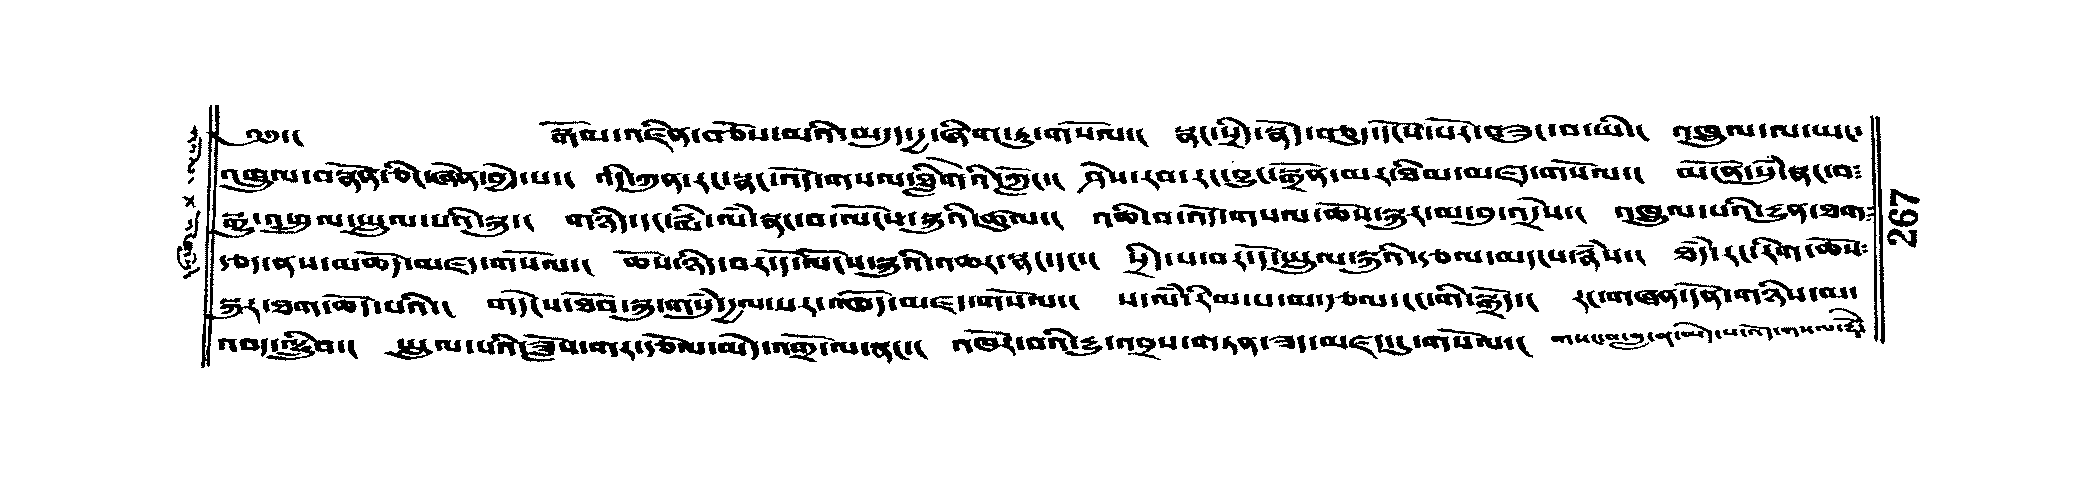།སྒོམ་འཛིན་བཅོས་མའི་མདུད་རྒྱ་ཞིག་ཏུ་གསོལ། །སྣང་སྲིད་སྣོད་བཅུད་དངོས་པོར་བཟུང་བ་ཡི། །འཁྲུལ་ལ་ཡང་
འཁྲུལ་བསྣོན་ཅིང་ཞེན་བྱེད་པ། །འདི་ཀུན་རང་སྣང་འོད་གསལ་ཐིག་ལེའི་ཀློང་། །ཤེས་རབ་རང་བྱུང་སྒྲོན་མར་ཐིམ་མཛད་གསོལ། །མངོན་སུམ་སྣང་བ་
སྒྱུ་འཕྲུལ་སྤྲུལ་པའི་སྐུ། །གཉིད་དང་རྨི་ལམ་སྣང་བ་ལོངས་སྐུའི་ཚུལ། །འཆི་བ་འོད་གསལ་ཆོས་སྐུར་མ་བུ་འདྲེས། །འཁྲུལ་པའི་རྒྱུན་ཐག་
རྩད་ནས་ཆོད་མཛད་གསོལ། །ཆོས་ཉིད་བར་དོ་ལོངས་སྐུའི་འཆར་སྣང་དང་། །སྲིད་པ་བར་དོ་སྤྲུལ་སྐུའི་རྩལ་མདངས་རྣམས། །ཐམས་ཅད་རང་རིག་ཆོས་
སྐུར་ཐག་ཆོད་པའི། །གདེང་ཐོབ་སྐུ་གསུམ་རྒྱལ་སར་འཁོད་མཛད་གསོལ། །ས་ལམ་རིམ་པ་མ་རྩོལ་ངང་གི་སྒྲོད། །རང་གཞན་དོན་གཉིས་མ་
འབད་ལྷུན་གྱིས་གྲུབ། །སྤྲུལ་པའི་ཟློས་གར་རྩོལ་མེད་འགྲོ་ལ་སྣང་། །འཁོར་བའི་རྒྱུ་འབྲས་གཏན་ཟད་མཛད་དུ་གསོལ།། གསང་བ་བླ་ན་མེད་པ་འོད་གསལ་རྡོ་རྗེ་